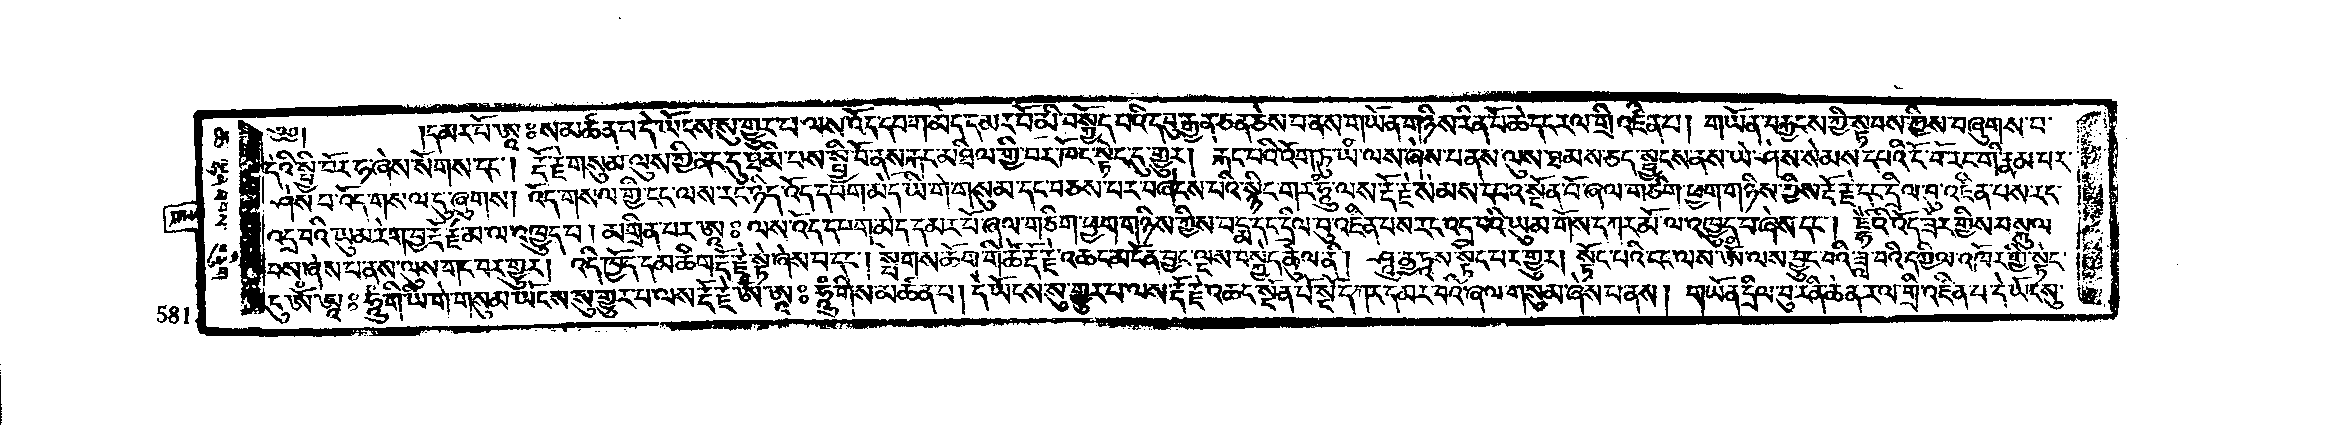༄༅། །དམར་པོ་ཨཱཿ ས་མཚན་པ་དེ་ཡོངས་སུ་གྱུར་པ་ལས་འོད་དཔག་མེད་དམར་པོ་མི་བསྐྱོད་པའི་དབུ་རྒྱན་ཅན་ཅེས་པ་ནས་གཡོན་གཉིས་རིན་པོ་ཆེ་དང་རལ་གྲི་འཛིན་པ། གཡོན་བརྐྱངས་ཀྱི་སྟབས་ཀྱིས་བཞུགས་པ་
དེའི་སྤྱི་བོར་ཧ་ཞེས་སོགས་དང་། རྡོ་རྗེ་གསུམ་ལུས་ཀྱི་ནང་དུ་ཐིམ་པས་སྤྱི་བོ་ནས་རྐང་མཐིལ་གྱི་བར་ཁོང་སྟོང་དུ་གྱུར། རྐང་པའི་འོག་ཏུ་ཡཾ་ལས་ཞེས་པ་ནས་ལུས་ཐམས་ཅད་སྦྱངས་ནས་ཡེ་ཤེས་སེམས་དཔའི་ངོ་བོ་རང་གི་རྣམ་པར་
ཤེས་པ་འོད་གསལ་དུ་ཞུགས། འོད་གསལ་གྱི་ངང་ལས་རང་ཉིད་འོད་དཔག་མེད་ཡི་གེ་གསུམ་དང་བཅས་པར་བཞེངས་པའི་སྙིང་གར་ཧཱུཾ་ལས་རྡོ་རྗེ་སེམས་དཔའ་སྔོན་པོ་ཞལ་གཅིག་ཕྱག་གཉིས་ཀྱིས་རྡོ་རྗེ་དང་དྲིལ་བུ་འཛིན་པས་རང་
འདྲ་བའི་ཡུམ་རེག་བྱ་རྡོ་རྗེ་མ་ལ་འཁྱུད་པ། མགྲིན་པར་ཨཱཿ ལས་འོད་དཔག་མེད་དམར་པོ་ཞལ་གཅིག་ཕྱག་གཉིས་ཀྱིས་པདམ་དང་དྲིལ་བུ་འཛིན་པས་རང་འདྲ་བའི་ཡུམ་གོས་དཀར་མོ་ལ་འཁྱུད་པ་ཞེས་དང་། ཛྷེའི་འོད་ཟེར་གྱིས་བསྐུལ་
བས་ཞེས་པ་ནས་ལུས་གང་བར་གྱུར། འདི་ཁྱོད་དམ་ཚིག་རྡོ་རྗེ་སྟེ་ཞེས་པ་དང་། སྤོགས་ཆོག་གི་ཚེ་རྡོ་རྗེ་འཆང་མངོན་བྱང་ལྔས་བསྐྱེད་ཚུལ་ནི། ཤཱུ་ནྱ་ཏཱས་སྟོང་པར་གྱུར། སྟོང་པའི་ངང་ལས་ཨོཾ་ལས་བྱུང་བའི་ཟླ་བའི་དཀྱིལ་འཁོར་གྱི་སྟེང་
དུ་ཨོཾ་ཨཱཿ ཧཱུཾ་གི་ཡི་གེ་གསུམ་ཡོངས་སུ་གྱུར་པ་ལས་རྡོ་རྗེ་ཨོཾ་ཨཱཿ ཧཱུཾ་གིས་མཚན་པ། དེ་ཡོངས་སུ་གྱུར་པ་ལས་རྡོ་རྗེ་འཆང་སྔོན་པོ་སྔོ་དཀར་དམར་བའི་ཞལ་གསུམ་ཞེས་པ་ནས། གཡོན་དྲིལ་བུ་རིན་ཆེན་རལ་གྲི་འཛིན་པ་དེ་ཡོངས་སུ་